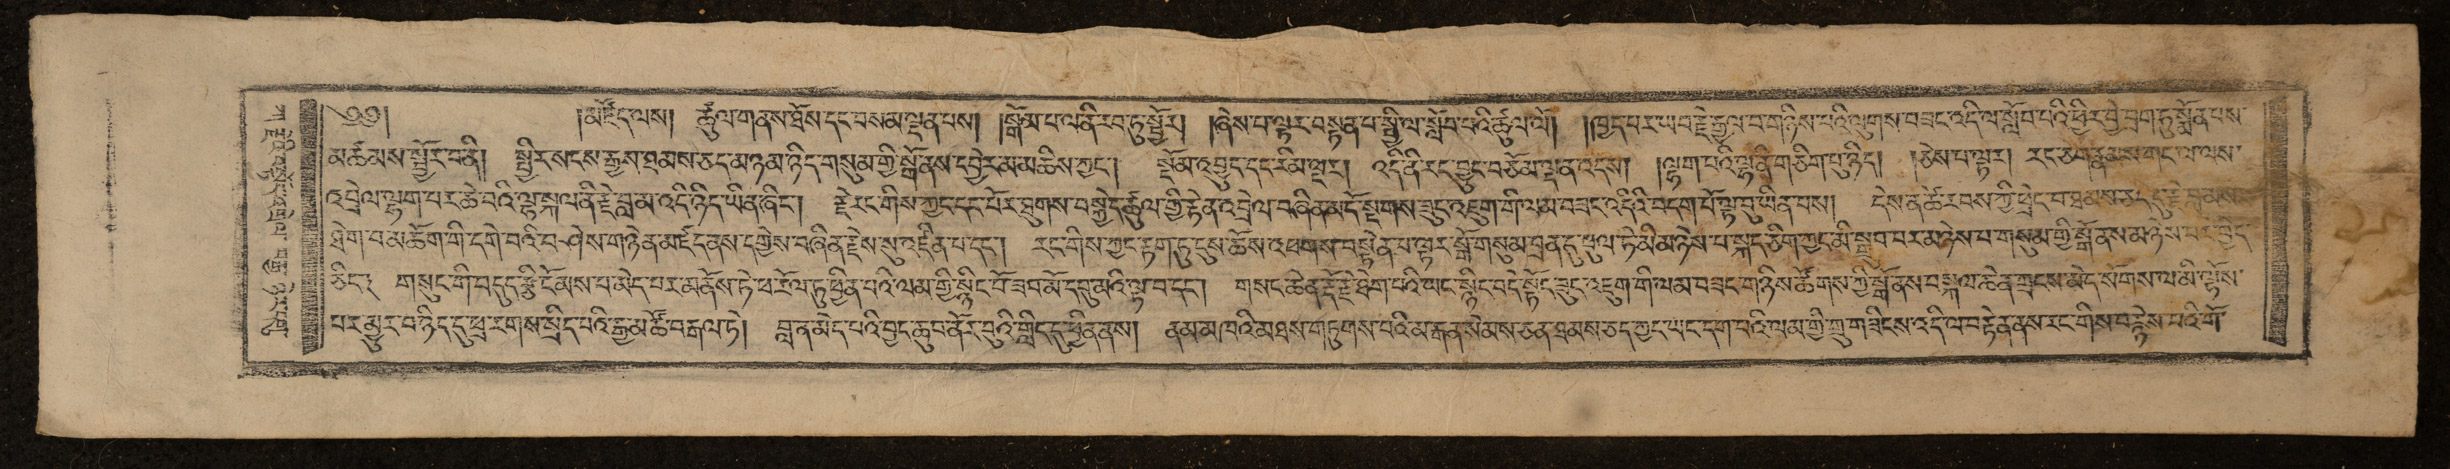༄༅། །མཛོད་ལས། ཚུལ་གནས་ཐོས་དང་བསམ་ལྡན་པས། །སྒོམ་པ་ལ་ནི་རབ་ཏུ་སྦྱོར། །ཞེས་པ་ལྟར་བསྟན་པ་སྤྱི་ལ་སློབ་པའི་ཚུལ་ལོ། །ཁྱད་པར་ཡབ་རྗེ་རྒྱལ་བ་གཉིས་པའི་ལུགས་བཟང་འདི་ལ་སློབ་པའི་ཕྱིར་བྱེ་བྲག་ཏུ་སྨོན་པས་
མཚམས་སྦྱོར་བ་ནི། སྤྱིར་སངས་རྒྱས་ཐམས་ཅད་མཉམ་ཉིད་གསུམ་གྱི་སྒོ་ནས་དབྱེར་མ་མཆིས་ཀྱང་། སྡོམ་འབྱུང་དང་རིམ་ལྔར། འདི་ནི་རང་བྱུང་བཅོམ་ལྡན་འདས། །ལྷག་པའི་ལྷ་ནི་གཅིག་བུ་ཉིད། །ཅེས་པ་ལྟར། རང་ཅག་རྣམས་གང་ལ་ལས་
འབྲེལ་ལྷག་པར་ཚ་བའི་ལྷ་སྐལ་ནི་རྗེ་བླ་མ་འདི་ཉིད་ཡིན་ཞིང་། རྗེ་རང་གིས་ཀྱང་དང་པོར་ཐུགས་བསྐྱེད་ཚུལ་གྱི་རྟེན་འབྲེལ་བཞིན་མདོ་སྔགས་ཟུང་འཇུག་གི་ལམ་བཟང་འདིའི་བདག་པོ་ལྟ་བུ་ཡིན་པས། དེས་ན་ཚེ་རབས་ཀྱི་ཕྲེང་བ་ཐམས་ཅད་དུ་རྗེ་བླ་མས་
ཐེག་པ་མཆོག་གི་དགེ་བའི་བཤེས་གཉེན་མཛད་ནས་དགྱེས་བཞིན་རྗེས་སུ་འཛིན་པ་དང་། རང་གིས་ཀྱང་རྟག་ཏུ་དུས་ཆོས་འཕགས་བསྟེན་པ་ལྟར་སྒོ་གསུམ་བྲན་དུ་ཕུལ་ཏེ་མི་མཉེས་པ་སྐད་ཅིག་ཀྱང་མི་སྒྲུབ་པར་མཉེས་པ་གསུམ་གྱི་སྒོ་ནས་མཉེས་པར་བྱེད་
ཅིང༑ གསུང་གི་བདུད་རྩི་ངོམས་པ་མེད་པར་མནོས་ཏེ་ཕ་རོལ་ཏུ་ཕྱིན་པའི་ལམ་གྱི་སྙིང་པོ་ཟབ་མོ་དབུ་མའི་ལྟ་བ་དང་། གསང་ཆེན་རྡོ་རྗེ་ཐེག་པའི་ཡང་སྙིང་བདེ་སྟོང་ཟུང་འཇུག་གི་ལམ་བཟང་གཉིས་ཚོགས་ཀྱི་སྒོ་ནས་བསྐལ་ཆེན་གྲངས་མེད་སོགས་ལ་མི་ལྟོས་
པར་མྱུར་བ་ཉིད་དུ་ཕྲ་རགས་སྲིད་པའི་རྒྱ་མཚོ་བརྒལ་ཏེ། བླ་ན་མེད་པའི་བྱང་ཆུབ་ནོར་བུའི་གླིང་དུ་ཕྱིན་ནས། ནམ་མཁའི་མཐས་གཏུགས་པའི་མ་རྒན་སེམས་ཅན་ཐམས་ཅད་ཀྱང་པད་དག་པའི་ལམ་གྱི་གྲུ་གཟིངས་འདི་ལ་བརྟེན་ནས་རང་གིས་བརྙེས་པའི་གོ་